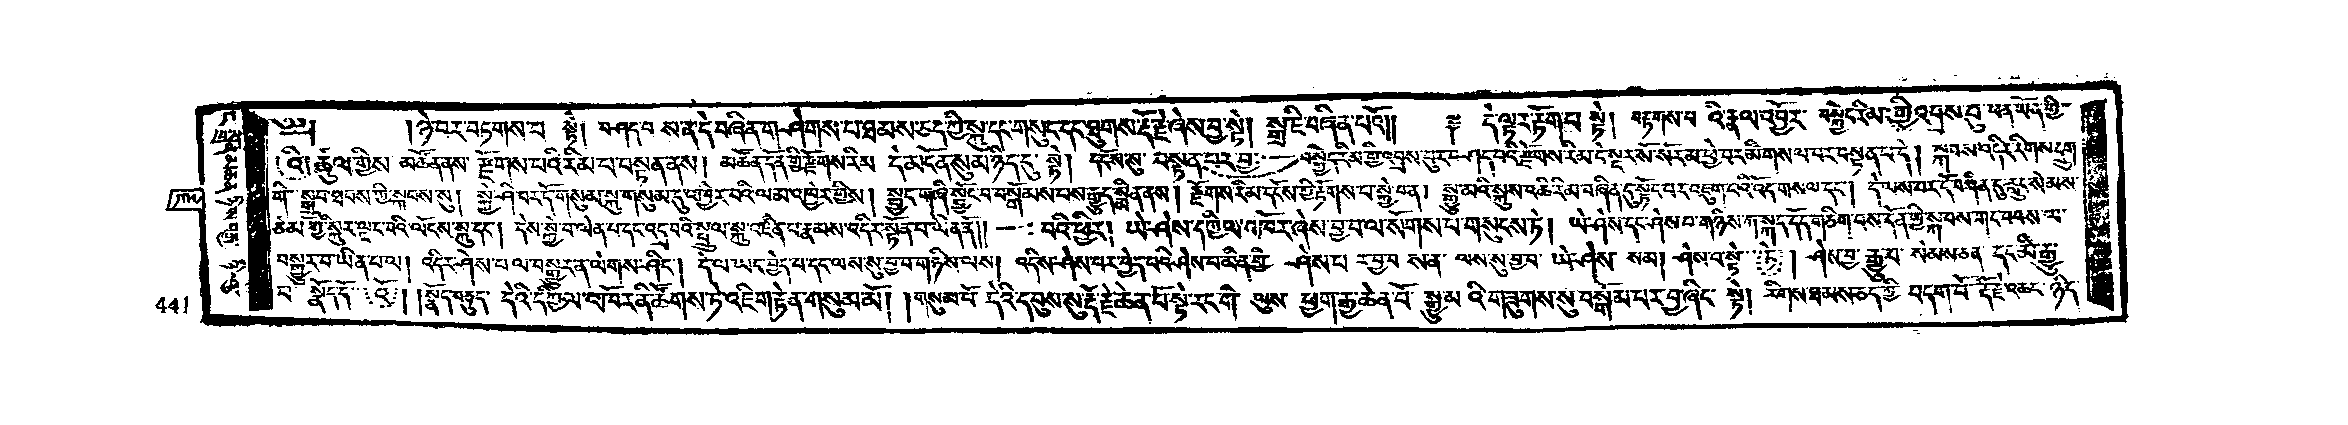༄༅། །ཉེ་བར་བཏགས་པ་སྟེ། བཤད་པས་ན་དེ་བཞིན་གཤེགས་པ་ཐམས་ཅད་ཀྱི་སྐུ་དང་གསུང་དང་ཐུགས་རྡོ་རྗེ་ཞེས་བྱ་སྟེ། སྒྲ་ཇི་བཞིན་པའོ།། ༈ དེ་ལྟར་རྟོག་པ་སྟེ། བརྟགས་པའི་རྣལ་འབྱོར་བསྐྱེད་རིམ་གྱི་འབྲས་བུ་ཕན་ཡོན་གྱི་
འི་ཚུལ་གྱིས་མཚོན་ནས་རྫོགས་པའི་རིམ་པ་བསྟན་ནས། མཚོན་དོན་གྱི་རྫོགས་རིམ་དེ་མངོན་སུམ་ཉིད་དུ་སྟེ། དངོས་སུ་བསྟན་པར་བྱཿ་བསྐྱེད་རིམ་གྱི་འབྲས་བུར་བཤད་པའི་རྫོགས་རིམ་དེ་སྔར་སོ་སོར་མ་ཕྱེ་བར་མི་གསལ་བར་བསྟན་པ་དེ། སྐབས་འདིར་རིགས་དྲུག་
གི་སྒྲུབ་ཐབས་ཀྱི་སྐབས་སུ། སྐྱེ་ཤི་བར་དོ་གསུམ་སྐུ་གསུམ་དུ་འཁྱེར་བའི་ལམ་འཁྱེར་གྱིས། སྦྱང་གཞི་སྦྱོང་བ་བསྒོམས་པས་རྒྱུད་སྨིན་ནས། རྫོགས་རིམ་དངོས་ཀྱི་རྟོགས་པ་སྐྱེ་བ་ན། སྒྱུ་མའི་སྐུས་འཆི་རིམ་བཞིན་དུ་སྟོང་པར་འཇུག་པའི་འོད་གསལ་དང་། དེ་ལས་བར་དོ་བཞིན་དུ་རླུང་སེམས་
ཙམ་གྱི་སྐུར་ལྡང་བའི་ལོངས་སྐུ་དང་། དེས་སྐྱེ་བ་ལེན་པ་དང་འདྲ་བའི་སྤྲུལ་སྐུ་འཛིན་པ་རྣམས་འདིར་སྟོན་པ་ཡིན་ནོ།། .Hབའི་ཕྱིར། ཡེ་ཤེས་དཀྱིལ་འཁོར་ཞེས་བྱ་བ་ལ་སོགས་པ་གསུངས་ཏེ། ཡེ་ཤེས་དང་ཤེས་པ་གཉིས་ཀ་སྐད་དོད་གཅིག་པས་དོན་གྱི་སྐབས་གང་བབས་ལ་
བསྒྱུར་བ་ཡིན་པ་ལ། འདིར་ཤེས་པ་ལ་བསྒྱུར་ན་ལེགས་ཤིང་། དེ་ལ་ཡང་བྱེད་པ་དང་ལས་སུ་བྱ་བ་གཉིས་ལས། འདིས་ཤེས་པར་བྱེད་པའི་ཤེས་པ་མིན་གྱི་ཤེས་པར་བྱ་བས་ན་ལས་སུ་བྱ་བ་ཡེ་ཤེས་སམ། ཤེས་པ་སྟེ་ཏེ། ཤེས་བྱ་རྒྱུ་བ་སེམས་ཅན་དང་མི་རྒྱུ་
པ་སྣོད་དོ་འོ། །སྣོད་བཅུད་དེའི་དཀྱིལ་འཁོར་ནི་ཚོགས་ཏེ་འཇིག་རྟེན་གསུམ་མོ། །གསུམ་པོ་དེའི་དབུས་སུ་རྡོ་རྗེ་ཆེན་པོ་སྟེ་རང་གི་ལུས་ཕྱག་རྒྱ་ཆེན་པོ་སྒྱུ་མའི་གཟུགས་སུ་བསྒོམ་པར་བྱ་ཞིང་སྟེ། རིགས་ཐམས་ཅད་ཀྱི་བདག་པོ་རྡོ་རྗེ་འཆང་ཉིད་